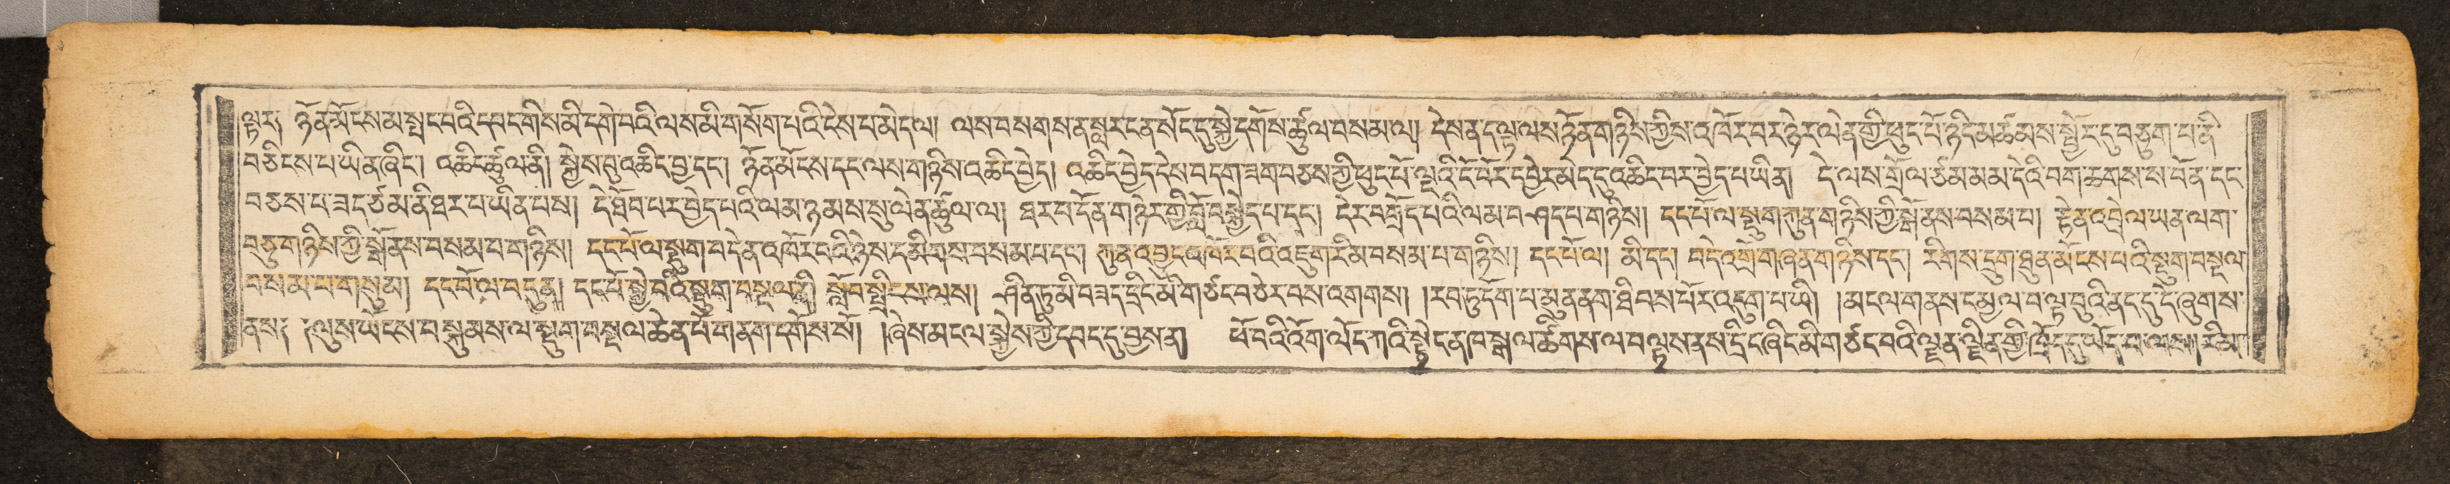ལྟར༑ ཉོན་མོངས་མ་སྤང་བའི་དབང་གིས་མི་དགེ་བའི་ལས་མི་གསོག་པའི་ངེས་པ་མེད་ལ། ལས་བསགས་ན་སླར་ངན་སོང་དུ་སྐྱེ་དགོས་ཚུལ་བསམ་ལ། དེས་ན་ད་ལྟ་ལས་ཉོན་གཉིས་ཀྱིས་འཁོར་བར་ཉེར་ལེན་གྱི་ཕུང་པོ་ནིང་མཚམས་སྦྱོར་དུ་བཅུག་པ་ནི་
བཅིངས་པ་ཡིན་ཞིང་། འཆིང་ཚུལ་ནི། སྐྱེས་བུ་འཆིང་བྱ་དང་། ཉོན་མོངས་དང་ལས་གཉིས་འཆིང་བྱེད། འཆིང་བྱེད་དེས་བདག་ཟག་བཅས་ཀྱི་ཕུང་པོ་ལྔའི་ངོ་བོར་དབྱེར་མེད་དུ་འཆིང་བར་བྱེད་པ་ཡིན། དེ་ལས་གྲོལ་ཙམ་མམ་དེའི་བག་ཆགས་ས་བོན་དང་
བཅས་པ་ཟད་ཙམ་ནི་ཐར་པ་ཡིན་པས། དེ་ཐོབ་པར་བྱེད་པའི་ལམ་ཉམས་སུ་ལེན་ཚུལ་ལ། ཐར་པ་དོན་གཉེར་གྱི་བློ་བསྐྱེད་པ་དང་། དེར་བགྲོད་པའི་ལམ་བཤད་པ་གཉིས། དང་པོ་ལ་སྡུག་ཀུན་གཉིས་ཀྱི་སྒོ་ནས་བསམ་པ། རྟེན་འབྲེལ་ཡན་ལག་
བཅུ་གཉིས་ཀྱི་སྒོ་ནས་བསམ་པ་གཉིས། དང་པོ་ལ་སྡུག་བདེན་འཁོར་བའི་ཉེས་དམིགས་བསམ་པ་དང་། ཀུན་འབྱུང་འཁོར་བའི་འཇུག་རིམ་བསམ་པ་གཉིས། དང་པོ་ལ། མི་དང་། བདེ་འགྲོ་གཞན་གཉིས་དང་། རིགས་དྲུག་ཐུན་མོངས་པའི་སྡུག་བསྔལ་
བསམ་པ་གསུམ། དང་པོ་ལ་བདུན། དང་པོ་སྐྱེ་བའི་སྡུག་བསྔལ་ནི། སློབ་སྤྲིངས་ལས། ཤིན་ཏུ་མི་བཟད་དྲི་ང་མི་གཙང་བཅེར་བས་འགགས། །རབ་ཏུ་དོག་པ་མུན་ནག་ཐིབས་པོར་འདུག་པ་ཡི། །མངལ་གནས་དམྱལ་བ་ལྟ་བུའི་ནང་དུ་དེ་ཞུགས་
ནས༑ ༑ལུས་ཡོངས་བསྐུམས་ལ་སྡུག་བསྔལ་ཆེན་པོ་གནག་དགོས་སོ། །ཞེས་མངལ་སྐྱེས་ཀྱི་དབང་དུ་བྱས་ན། ཕོ་བའི་འོག་ལོང་ཀའི་སྟེང་ན་ཁ་སྒལ་ཚིགས་ལ་བལྟས་ནས་དྲི་ང་ཞིང་མི་གཙང་བའི་ལྗན་ལྗིན་གྱི་ཁྲོད་དུ་ཡོད་པ་ལས། རིམ་